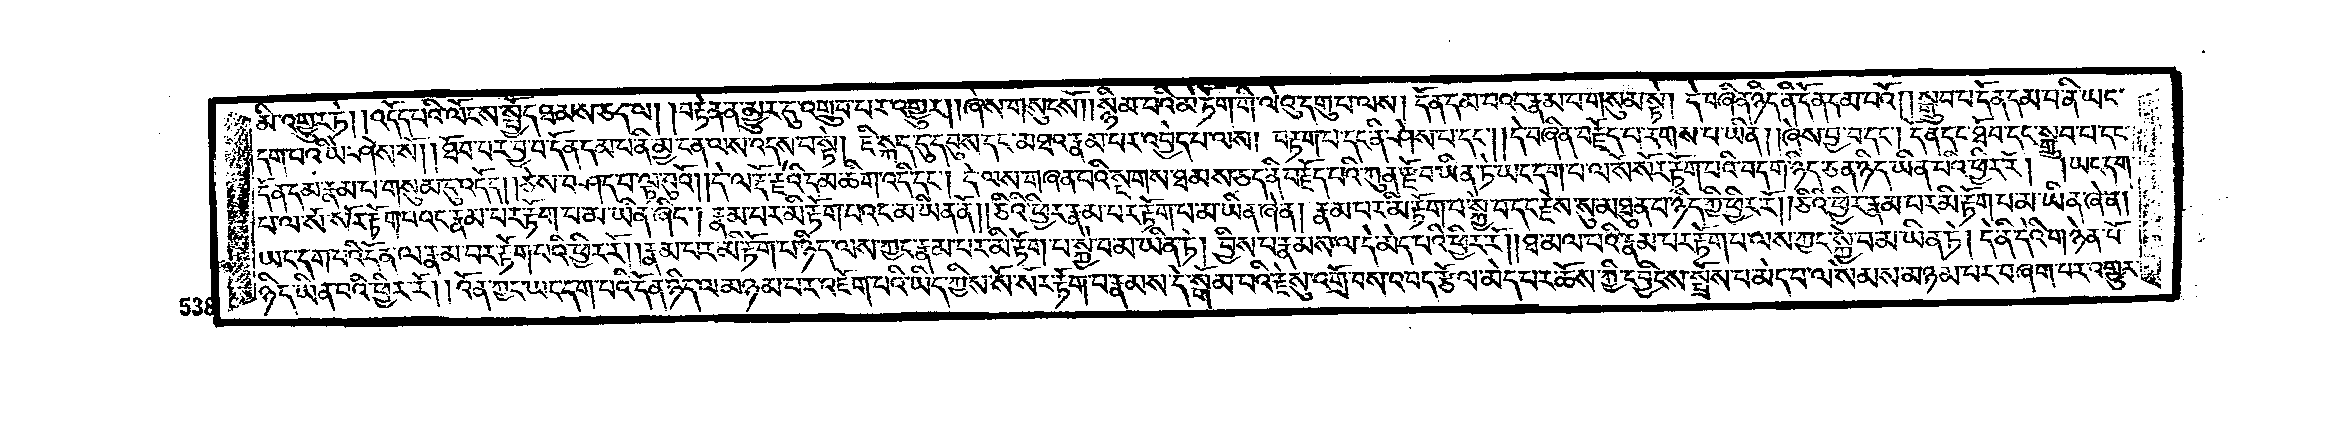མི་འགྱུར་ཏེ། །འདོད་པའི་ལོངས་སྤྱོད་ཐམས་ཅད་ལ། །བརྟེན་ན་མྱུར་དུ་འགྲུབ་པར་འགྱུར། །ཞེས་གསུངས་སོ། །སྙིམ་པའི་མེ་ཏོག་གི་ལེའུ་དགུ་པ་ལས། དོན་དམ་པའང་རྣམ་པ་གསུམ་སྟེ། དེ་བཞིན་ཉིད་ནི་དོན་དམ་པའོ། །སྒྲུབ་པ་དོན་དམ་པ་ནི་ཡང་
དག་པའི་ཡེ་ཤེས་སོ། །ཐོབ་པར་བྱ་བ་དོན་དམ་པ་ནི་མྱ་ངན་ལས་འདས་པ་སྟེ། ཇི་སྐད་དུ་དབུས་དང་མཐའ་རྣམ་པར་འབྱེད་པ་ལས། བརྟག་པ་དང་ནི་ཤེས་པ་དང་། །དེ་བཞིན་བརྗོད་པ་རགས་པ་ཡིན། །ཞེས་བྱ་བ་དང་། དོན་དང་ཐོབ་དང་སྒྲུབ་པ་དང་།
དོན་དམ་རྣམ་པ་གསུམ་དུ་འདོད། །ཅེས་བཤད་པ་ལྟ་བུའོ། །དེ་ལ་རྡོ་རྗེའི་དམ་ཚིག་འདི་དང་། དེ་ལས་གཞན་པའི་སྔགས་ཐམས་ཅད་ནི་བརྗོད་པའི་ཀུན་རྫོབ་ཡིན་ཏེ་ཡང་དག་པ་ལ་སོ་སོར་རྟོག་པའི་བདག་ཉིད་ཅན་ཉིད་ཡིན་པའི་ཕྱིར་རོ། །ཡང་དག་
པ་ལ་སོ་སོར་རྟོག་པའང་རྣམ་པར་རྟོག་པ་མ་ཡིན་ཞིང་། རྣམ་པར་མི་རྟོག་པའང་མ་ཡིན་ནོ། །ཅིའི་ཕྱིར་རྣམ་པར་རྟོག་པ་མ་ཡིན་ཞེ་ན། རྣམ་པར་མི་རྟོག་པ་སྐྱེ་བ་དང་རྗེས་སུ་མཐུན་པ་ཉིད་ཀྱི་ཕྱིར་རོ། །ཅིའི་ཕྱིར་རྣམ་པར་མི་རྟོག་པ་མ་ཡིན་ཞེ་ན།
ཡང་དག་པའི་དོན་ལ་རྣམ་པར་རྟོག་པའི་ཕྱིར་རོ། །རྣམ་པར་མི་རྟོག་པ་ཉིད་ལས་ཀྱང་རྣམ་པར་མི་རྟོག་པ་སྐྱེ་བ་མ་ཡིན་ཏེ། བྱིས་པ་རྣམས་ལ་དེ་མེད་པའི་ཕྱིར་རོ། །ཐ་མལ་པའི་རྣམ་པར་རྟོག་པ་ལས་ཀྱང་སྐྱེ་བ་མ་ཡིན་ཏེ། དེ་ནི་དེའི་གཉེན་པོ་
ཉིད་ཡིན་པའི་ཕྱིར་རོ། །འོན་ཀྱང་ཡང་དག་པའི་དོན་ཉིད་ལ་མཉམ་པར་འཇོག་པའི་ཡིད་ཀྱིས་སོ་སོར་རྟོག་པ་རྣམས་དེ་སྒོམ་པའི་རྗེས་སུ་འགྲོ་བས་འབད་རྩོལ་མེད་པར་ཆོས་ཀྱི་དབྱིངས་སྤྲོས་པ་མེད་པ་ལ་སེམས་མཉམ་པར་བཞག་པར་འགྱུར་